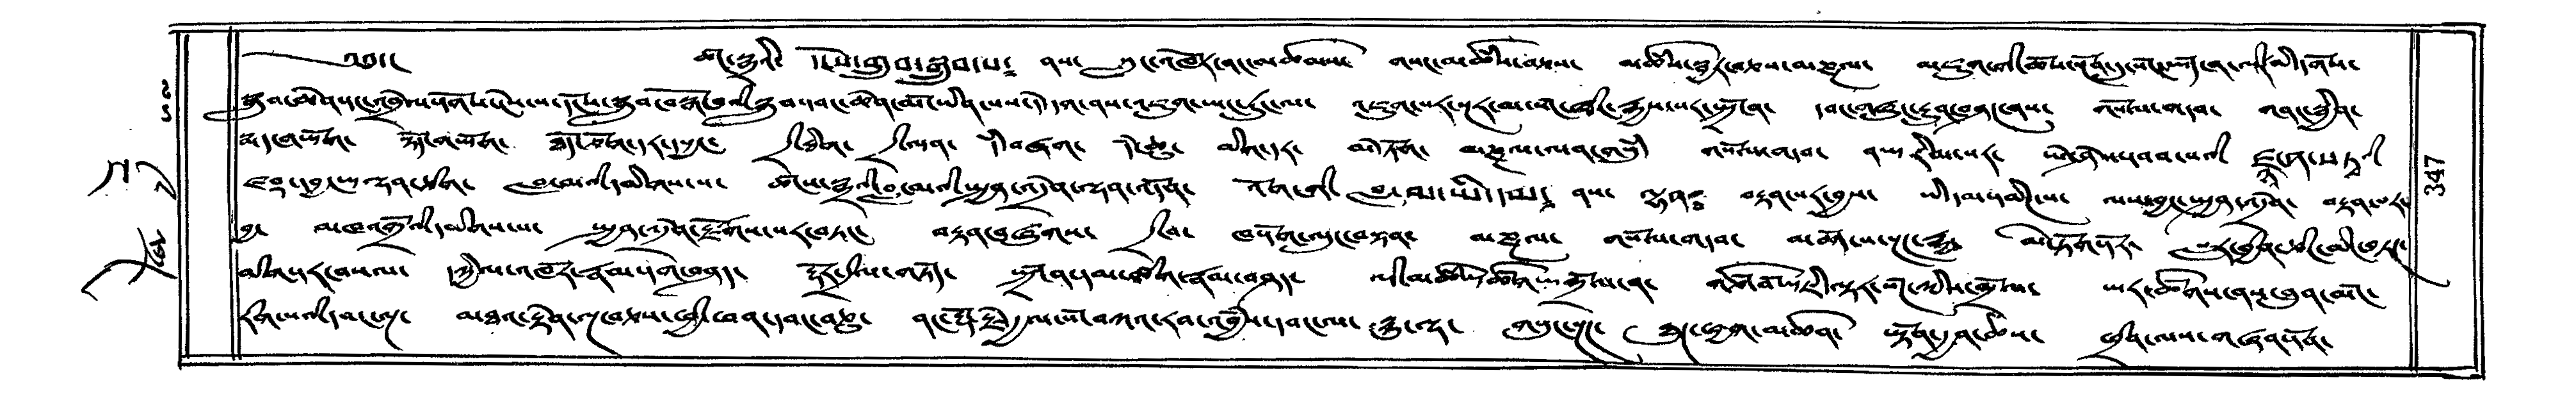ཚངས་སྒྲའི། དངོས་གྲུབ་སྒྲུབ་པ༴ ནས། སྲུང་འཁོར་ནང་མཚམས། གསང་མཚམས་བཅས། མཚམས་སྦྱར་བཅས་མཎྜལ། མཇུག་གི་ཆོས་སྔོན་དུ་སོང་ཡོད་ན་འདིར་མི་དགོས། 
སྒྲུབ་ཆེན་དང་འབྲེལ་དགོས་ངེས་པ་དངོས་སྒྲུབ་བསྒོ་བའི་སྒྲུབ་དབང་ཆེན་མོ་ཡིན་པས་དེ་དག་ནས་འཇུག་ཀྱང་རུང་ལ། འཇུག་པར་སྔར་མ་སོང་ཞིང་རྒྱས་པར་སྤྲོ་ན། དབང་གཞུང་རྒྱུན་བཤགས་ནས། གསོལ་གདབ། གནང་སྦྱིན། 
སྨད་གཡོགས། སྟོད་གཡོགས། ཐོར་ཅོག་དར་དཔྱངས། དྲི་ཐིག དམ་བཞག དམ་ཆུ། མིག་དར། མེ་ཏོག མཎྜལ་ལན་གསུམ། གསོལ་གདབ་ནས་རིམ་པར། ཡེ་ཤེས་དབབ་པའི། ཛྙཱ་ན་སཏྭ འི་
ཛཔྲ་དབྱངས་ལྷན་ཅིག བླ་མའི་དམིགས་པ། ཚངས་སྒྲའི་བླ་མའི་སྤྱན་འདྲེན་ལྷན་འདོན། འོག་གི བླ་མ་ཡི་དམ༴ ནས། ལྷནཿ བརྟན་པར་བྱས། ཡི་དམ་དམིགས་པ། ལས་བྱང་སྤྱན་འདྲེན། བརྟན་པར་
བྱ། མཁའ་འགྲོའི་དམིགས་པ། སྤྱན་འདྲེན་རྫོགས་པར་བཏང་། བརྟན་བཞུགས། དྲི་བ། ཁ་དོག་ལུང་བསྟན། མཎྜལ། གསོལ་གདབ། མཆོད་པ་སྔགས་རྒྱ། མེ་ཏོག་དོར། སླར་བྱིན་ཅིང་མིང་བཏགས་
མིག་དར་བསལ། དཀྱིལ་འཁོར་རྣམ་དག་བཤད། རྡོར་དྲིལ་གཏོད། སྤྲོ་ན་དམ་ཚིག་རྣམ་བཤད། འདི་མཚམས་ཚོགས་གྲོལ་ན། གཙོ་བོ་ཇི་ལྟར༴ སོགས་ཀྱིས་གྲོལ། ཡར་ཚོགས་ནས་ཐུན་མོང་
རིག་པའི་དབང་ལྔ། མཐའ་རྟེན་ལྔ་བཅས་ཕྱི་ཕན་དབང་བཅུ། ནང་རྡོ་རྗེ་རྒྱལ་པོ་བཀའ་རབ་འབྱམས་དབང་ལ། སྐུ་ལྷ། གསུང་སྔགས། ཐུགས་ཕྱག་མཚན། མེ་ཏོག་རྒྱན་ཆས། ཕྲིན་ལས་གཞན་དོན།